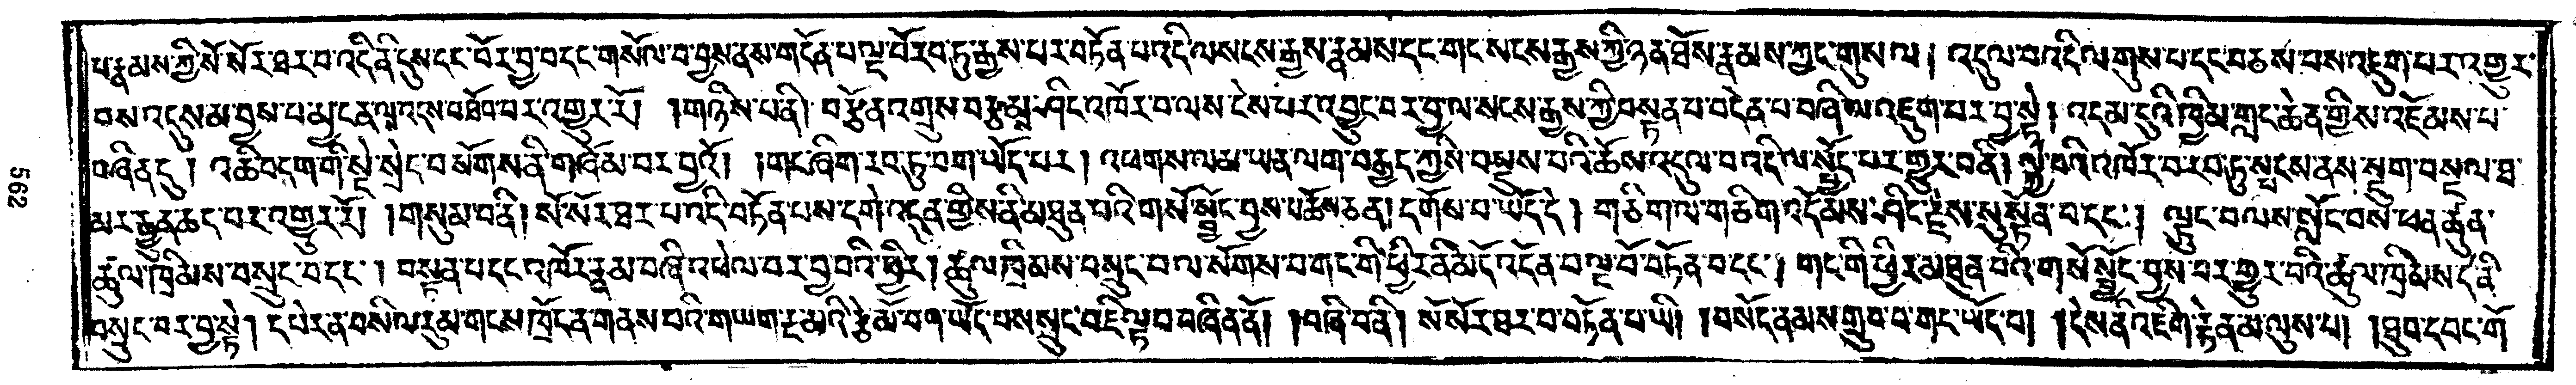པ་རྣམས་ཀྱི་སོ་སོར་ཐར་བ་འདི་ནི་དུས་དང་བོར་བྱ་བ་དང་གསོལ་བ་བྱས་ནས་གདོན་པ་ལྔ་པོ་རབ་ཏུ་རྒྱས་པར་བཏོན་པ་འདི་ལ་སངས་རྒྱས་རྣམས་དང་གང་སངས་རྒྱས་ཀྱི་ཉན་ཐོས་རྣམས་ཀྱང་གུས་ལ། འདུལ་བ་འདི་ལ་གུས་པ་དང་བཅས་པས་འཇུག་པར་འགྱུར་
བས་འདུས་མ་བྱས་པ་མྱ་ངན་ལས་འདས་པ་ཐོབ་པར་འགྱུར་རོ། །གཉིས་པ་ནི། བརྩོན་འགྲུས་བརྩམས་ཤིང་འཁོར་བ་ལས་ངེས་པར་འབྱུང་བར་བྱ་ལ་སངས་རྒྱས་ཀྱི་བསྟན་པ་བདེན་པ་བཞི་ལ་འཇུག་པར་བྱ་སྟེ། འདམ་དུའི་ཁྱིམ་གླང་ཆེན་གྱིས་འཇོམས་པ་
བཞིན་དུ། འཆི་བདག་གི་སྡེ་སྲེད་བ་སོགས་ནི་གཞོམ་བར་བྱའོ། །གང་ཞིག་རབ་ཏུ་བག་ཡོད་པར། འཕགས་ལམ་ཡན་ལག་བརྒྱད་ཀྱིས་བསྡུས་པའི་ཆོས་འདུལ་བ་འདི་ལ་སྤྱོད་པར་གྱུར་བ་ནི། སྐྱེ་བའི་འཁོར་བ་རབ་ཏུ་སྤངས་ནས་སྡུག་བསྔལ་ཐ་
མར་རྒྱུན་ཆད་བར་འགྱུར་རོ། །གསུམ་བ་ནི། སོ་སོར་ཐར་པ་འདི་བཏོན་པས་དགེ་འདུན་གྱིས་ནི་མཐུན་པའི་གསོ་སྦྱོང་བྱས་པ་ཆོས་ཅན། དགོས་པ་ཡོད་དེ། གཅིག་ལ་གཅིག་འདོམས་ཤིང་རྗེས་སུ་སྟོན་བ་དང་། ལྟུང་བ་ལས་སློང་བས་ཕན་ཚུན་
ཚུལ་ཁྲིམས་བསྲུང་བ་དང་། བསྟན་པ་དང་འཁོར་རྣམ་བཞི་འཕེལ་བར་བྱ་བའི་ཕྱིར། ཚུལ་ཁྲིམས་བསྲུང་བ་ལ་སོགས་པ་གང་གི་ཕྱིར་ནི་མདོ་འདོན་བ་ལྔ་བོ་བཏོན་བ་དང་། གང་གི་ཕྱིར་མཐུན་བའི་གསོ་སྦྱོང་བྱས་བར་གྱུར་བའི་ཚུལ་ཁྲིམས་དེ་ནི་
བསྲུང་བར་བྱ་སྟེ། དཔེར་ན་བསིལ་རུམ་གངས་ཁྲོད་ན་གནས་པའི་གཡག་རྔ་མའི་རྩེ་མོ་བག་ཡོད་བས་སྲུང་བ་ཇི་ལྟབ་བཞིན་ནོ། །བཞི་བ་ནི། སོ་སོར་ཐར་བ་བཏོན་པ་ཡི། །བསོད་ནམས་གྲུབ་བ་གང་ཡོད་བ། །དེས་ནི་འཇིག་རྟེན་མ་ལུས་པ། །ཐུབ་དབང་གོ་